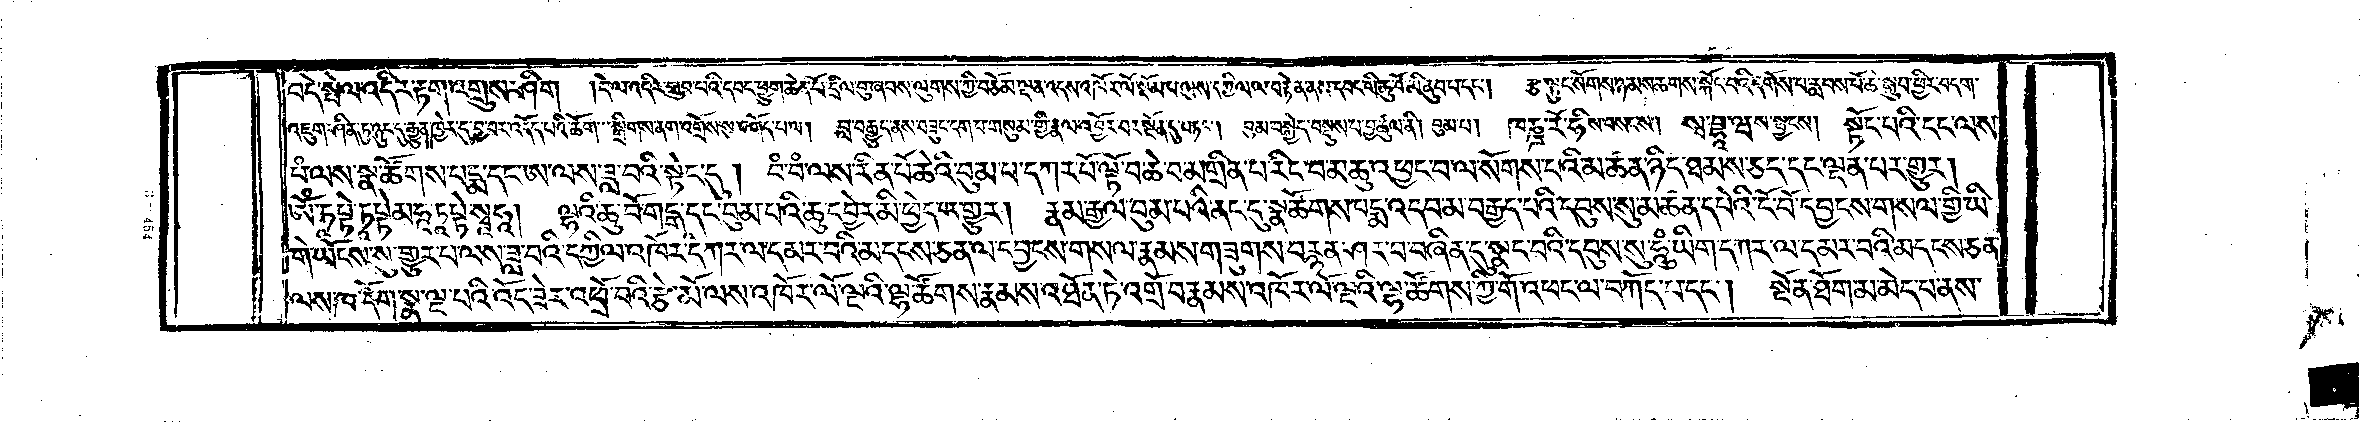བདེ་སྤེལ་འདིར་རྟག་འགྲུས་ཤིག །དེ་ལ་འདིར་གྲུབ་པའི་དབང་ཕྱུག་ཆེན་པོ་དྲིལ་བུ་ཞབས་ལུགས་ཀྱི་བཅོམ་ལྡན་འདས་འཁོར་ལོ་སྡོམ་པ་ལུས་དཀྱིལ་ལ་བརྟེན་ནས་དབང་གི་ཆུ་བོ་མི་ནུབ་པ་དང་། རྩ་ལྟུང་སོགས་ཉམས་ཆགས་སྐོང་བའི་དགོས་པ་རླབས་པོ་ཆེ་སྒྲུབ་ཕྱིར་བདག་
འཇུག་ཤིན་ཏུ་ཉུང་དུ་རྒྱུན་ཁྱེར་དུ་བྱ་བར་འདོད་པའི་ཆོག་སྒྲིགས་ནག་འགྲོས་སུ་འགོད་པ་ལ། བླ་བརྒྱུད་ནས་བཟུང་དག་པ་གསུམ་གྱི་རྣལ་འབྱོར་བར་སྔོན་དུ་བཏང་། བུམ་བསྐྱེད་བསྡུས་པ་བྱ་ཚུལ་ནི། བུམ་པ། ཁཎྜ་རོ་ཧིས་བསངས།  སྭ་བྷཱ་ཝས་སྦྱངས།  སྟོང་པའི་ངང་ལས་
པཾ་ལས་སྣ་ཚོགས་པདམ་དང་ཨ་ལས་ཟླ་བའི་སྟེང་དུ། བཾ་བཾ་ལས་རིན་པོ་ཆེའི་བུམ་པ་དཀར་པོ་ལྟོ་བ་ཆེ་བ་མགྲིན་པ་རིང་བ་མཆུ་འཕྱང་བ་ལ་སོགས་པའི་མཚན་ཉིད་ཐམས་ཅད་དང་ལྡན་པར་གྱུར།
ཨོཾ་ཏཱཔྟེ་ཏཱཔྟེ་མཧཱ་ཏཱཔྟེ་སྭཱཧཱ། ལྷའི་ཆུ་བོ་གངྒ་དང་བུམ་པའི་ཆུ་དབྱེར་མི་ཕྱེད་པར་གྱུར། རྣམ་རྒྱལ་བུམ་པའི་ནང་དུ་སྣ་ཚོགས་པདམ་འདབ་མ་བརྒྱད་པའི་དབུས་སུ་མཚན་དཔེའི་ངོ་བོ་དབྱངས་གསལ་གྱི་ཡི་
གེ་ཡོངས་སུ་གྱུར་པ་ལས་ཟླ་བའི་དཀྱིལ་འཁོར་དཀར་ལ་དམར་བའི་མདངས་ཅན་ལ་དབྱངས་གསལ་རྣམས་གཟུགས་བརྙན་ཤར་བ་བཞིན་དུ་སྣང་བའི་དབུས་སུ་ཧཱུཾ་ཡིག་དཀར་ལ་དམར་བའི་མདངས་ཅན་
ལས་ཁ་དོག་སྣ་ལྔ་པའི་འོད་ཟེར་འཕྲོ་བའི་རྩེ་མོ་ལས་འཁོར་ལོ་ལྔའི་ལྷ་ཚོགས་རྣམས་འཐོན་ཏེ་འགྲོ་བ་རྣམས་འཁོར་ལོ་ལྔའི་ལྷ་ཚོགས་ཀྱི་གོ་འཕང་ལ་བཀོད་པ་དང་། སྔོན་ཐོག་མ་མེད་པ་ནས་